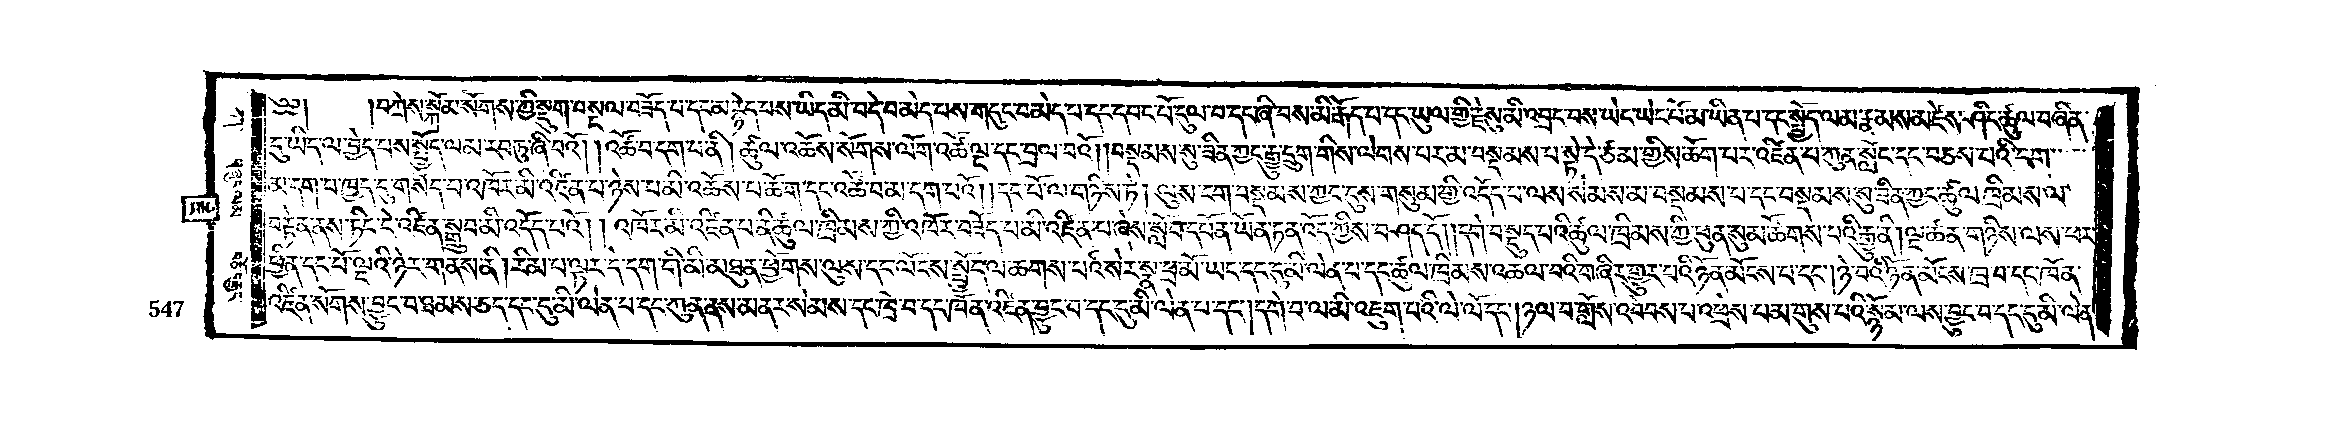༄༅། །བཀྲེས་སྐོམ་སོགས་ཀྱི་སྡུག་བསྔལ་བཟོད་པ་དང་མ་རྙེད་པས་ཡིད་མི་བདེ་བ་མེད་པས་གདུང་བ་མེད་པ་དང་དབང་པོ་དུལ་བ་དང་ཞི་བས་མི་རྒོད་པ་དང་ཡུལ་གྱི་རྗེས་སུ་མི་འབྲང་བས་ཡེང་ཡེང་པོ་མ་ཡིན་པ་དང་སྤྱོད་ལམ་རྣམས་མཛེས་ཤིང་ཚུལ་བཞིན་
དུ་ཡིད་ལ་བྱེད་པས་སྤྱོད་ལམ་རབ་ཏུ་ཞི་བའོ། །འཚོ་བ་དག་པ་ནི། ཚུལ་འཆོས་སོགས་ལོག་འཚོ་ལྔ་དང་བྲལ་བའོ། །བསྡམས་སུ་ཟིན་ཀྱང་རྒྱུ་དྲུག་གིས་ལེགས་པར་མ་བསྡམས་པ་སྟེ་དེ་ཙམ་གྱིས་ཆོག་པར་འཛིན་པ་ཀུན་སློང་དང་བཅས་པའི་དག་
མ་དག་པ་ཁྱད་དུ་གསོད་པ་འཁོར་མི་འཛིན་པ་ཉེས་པ་མི་འཆོས་པ་ཆོ་ག་དང་འཚོ་བ་མ་དག་པའོ། །དང་པོ་ལ་གཉིས་ཏེ། ལུས་ངག་བསམས་ཀྱང་དུས་གསུམ་གྱི་འདོད་པ་ལས་སེམས་མ་བསྡམས་པ་དང་བསྡམས་སུ་ཟིན་ཀྱང་ཚུལ་ཁྲིམས་ལ་
བརྟེན་ནས་ཏིང་ངེ་འཛིན་སྒྲུབ་མི་འདོད་པའོ། །འཁོར་མི་འཛིན་པ་ནི་ཚུལ་ཁྲིམས་ཀྱི་འཁོར་བཟོད་པ་མི་འཛིན་པ་ཞེས་སློབ་དཔོན་ཡོན་ཏན་འོད་ཀྱིས་བཤད་དོ། །དགེ་བ་སྡུད་པའི་ཚུལ་ཁྲིམས་ཀྱི་ཕུན་སུམ་ཚོགས་པའི་རྒྱུ་ནི། ལྔ་ཚན་གཉིས་ལས་ཕར་
ཕྱིན་དང་པོ་ལྔའི་ཉེར་གནས་ནི། རིམ་པ་ལྟར་དེ་དག་གི་མི་མཐུན་ཕྱོགས་ལུས་དང་ལོངས་སྤྱོད་ལ་ཆགས་པའི་སེར་སྣ་ཕྲ་མོ་ཡང་དང་དུ་མི་ལེན་པ་དང་ཚུལ་ཁྲིམས་འཆལ་བའི་གཞིར་གྱུར་པའི་ཉོན་མོངས་པ་དང་། ཉེ་བའི་ཉོན་མོངས་ཁྲ་བ་དང་ཁོ་ན་
འཛིན་སོགས་བྱུང་བ་ཐམས་ཅད་དང་དུ་མི་ལེན་པ་དང་ཀུན་ནས་མནར་སེམས་དང་ཁྲེ་བ་དང་ཁོ་ན་འཛིན་བྱུང་བ་དང་དུ་མི་ལེན་པ་དང་། དགེ་བ་ལ་མི་འཇུག་པའི་ལེ་ལོ་དང་། ཉལ་བ་གློས་འབེབས་པ་འཕྲེས་པ་མ་གུས་པའི་སྙོམ་ལས་བྱུང་བ་དང་དུ་མི་ལེན་